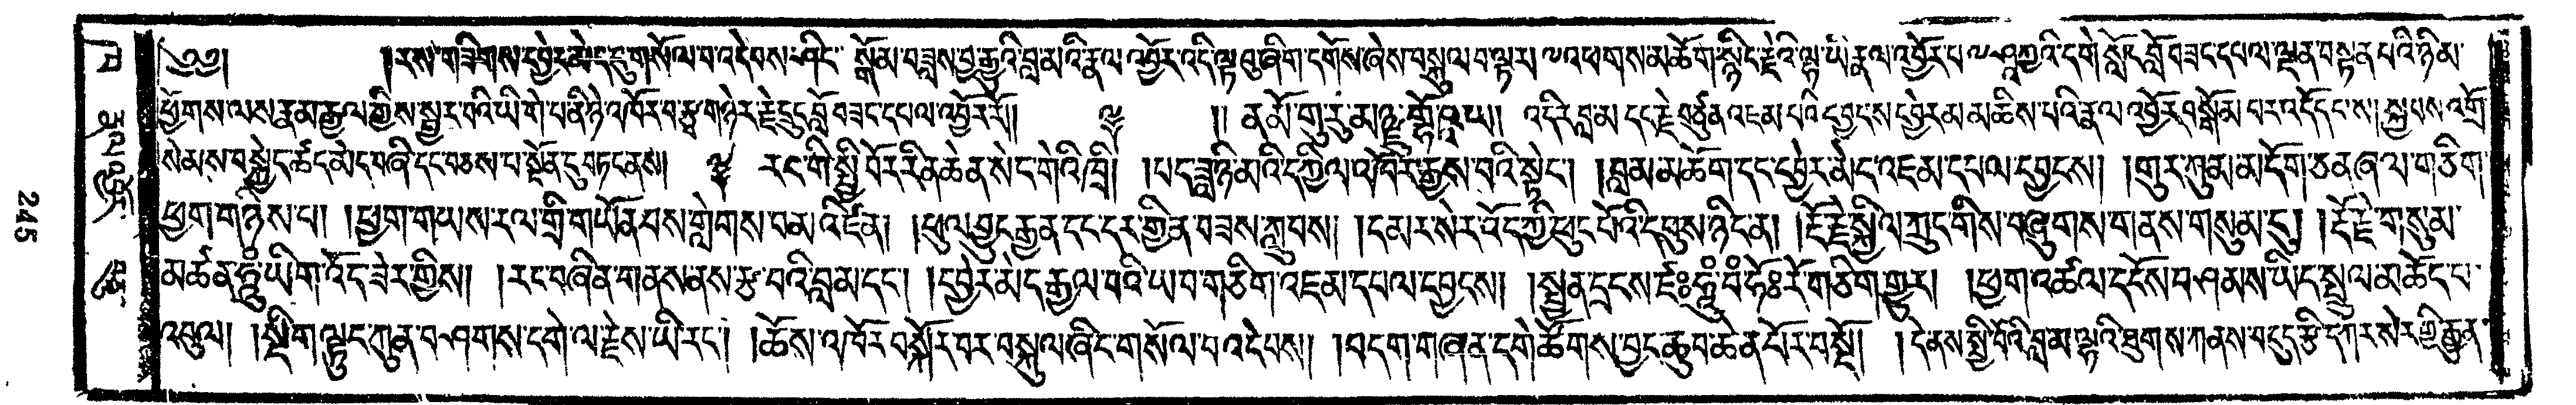༄༅། །རས་གཟིགས་དབྱེར་མེད་དུ་གསོལ་བ་འདེབས་ཤིང་སྒོམ་བཟླས་བྱ་རྒྱུའི་བླ་མའི་རྣལ་འབྱོར་འདི་ལྟ་བུ་ཞིག་དགོས་ཞེས་བསྐུལ་བ་ལྟར། ༧་འཕགས་མཆོག་སྙིང་རྗེའི་ལྷ་ཡི་རྣལ་འབྱོར་པ་༧་ཤཱཀྱའི་དགེ་སློང་བློ་བཟང་དཔལ་ལྡན་བསྟན་པའི་ཉི་མ་
ཕྱོགས་ལས་རྣམ་རྒྱལ་གྱིས་སྦྱར་བའི་ཡི་གེ་པ་ནི་ཉེ་འཁོར་བ་རྩྭ་གཉེར་རྗེ་དྲུང་བློ་བཟང་དཔལ་འབྱོར་རོ།། ༈ །།ན་མོ་གུ་རུ་མཉྫུ་གྷོ་ཥཱ་ཡ། འདིར་བླ་མ་དང་རྗེ་བཙུན་འཇམ་པའི་དབྱངས་དབྱེར་མ་མཆིས་པའི་རྣལ་འབྱོར་བསྒོམ་པར་འདོད་པས། སྐྱབས་འགྲོ་
སེམས་བསྐྱེད་ཚད་མེད་བཞི་དང་བཅས་པ་སྔོན་དུ་བཏང་ནས། ༈ རང་གི་སྤྱི་བོར་རིན་ཆེན་སེང་གེའི་ཁྲི། །པད་ཟླ་ཉི་མའི་དཀྱིལ་འཁོར་རྒྱས་བའི་སྟེང་། །བླ་མ་མཆོག་དང་དབྱེར་མེད་འཇམ་དཔལ་དབྱངས། །གུར་ཀུམ་མདོག་ཅན་ཞལ་གཅིག་
ཕྱག་གཉིས་པ། །ཕྱག་གཡས་རལ་གྲི་གཡོན་བས་གླེགས་བམ་འཛིན། །ཕུལ་བྱུང་རྒྱན་དང་དར་གྱིན་བཟས་ཀླུབས། །དམར་སེར་འོད་ཀྱི་ཕུང་པོའི་དབུས་ཉིང་ན། །རྡོ་རྗེ་སྐྱིལ་ཀྲུང་གིས་བཞུགས་གནས་གསུམ་དུ། །རྡོ་རྗེ་གསུམ་
མཚན་ཧཱུཾ་ཡིག་འོད་ཟེར་གྱིས། །རང་བཞིན་གནས་ནས་རྩ་བའི་བླ་མ་དང་། །དབྱེར་མེད་རྒྱལ་བའི་ཡབ་གཅིག་འཇམ་དཔལ་དབྱངས། །སྤྱན་དྲངས་ཛཿ ཧཱུཾ་བཾ་ཧོཿ རོ་གཅིག་གྱུར། །ཕྱག་འཚལ་དངོས་བཤམས་ཡིད་སྤྲུལ་མཆོད་པ་
འབུལ། །སྡིག་ལྟུང་ཀུན་བཤགས་དགེ་ལ་རྗེས་ཡི་རང་། །ཆོས་འཁོར་བསྐོར་བར་བསྐུལ་ཞིང་གསོལ་བ་འདེབས། །བདག་གཞན་དགེ་ཚོགས་བྱང་ཆུབ་ཆེན་པོར་བསྔོ། །དེ་ནས་སྤྱི་བོའི་བླ་མ་ལྷའི་ཐུགས་ཀ་ནས་བདུད་རྩི་དཀར་སེར་གྱི་རྒྱུན་